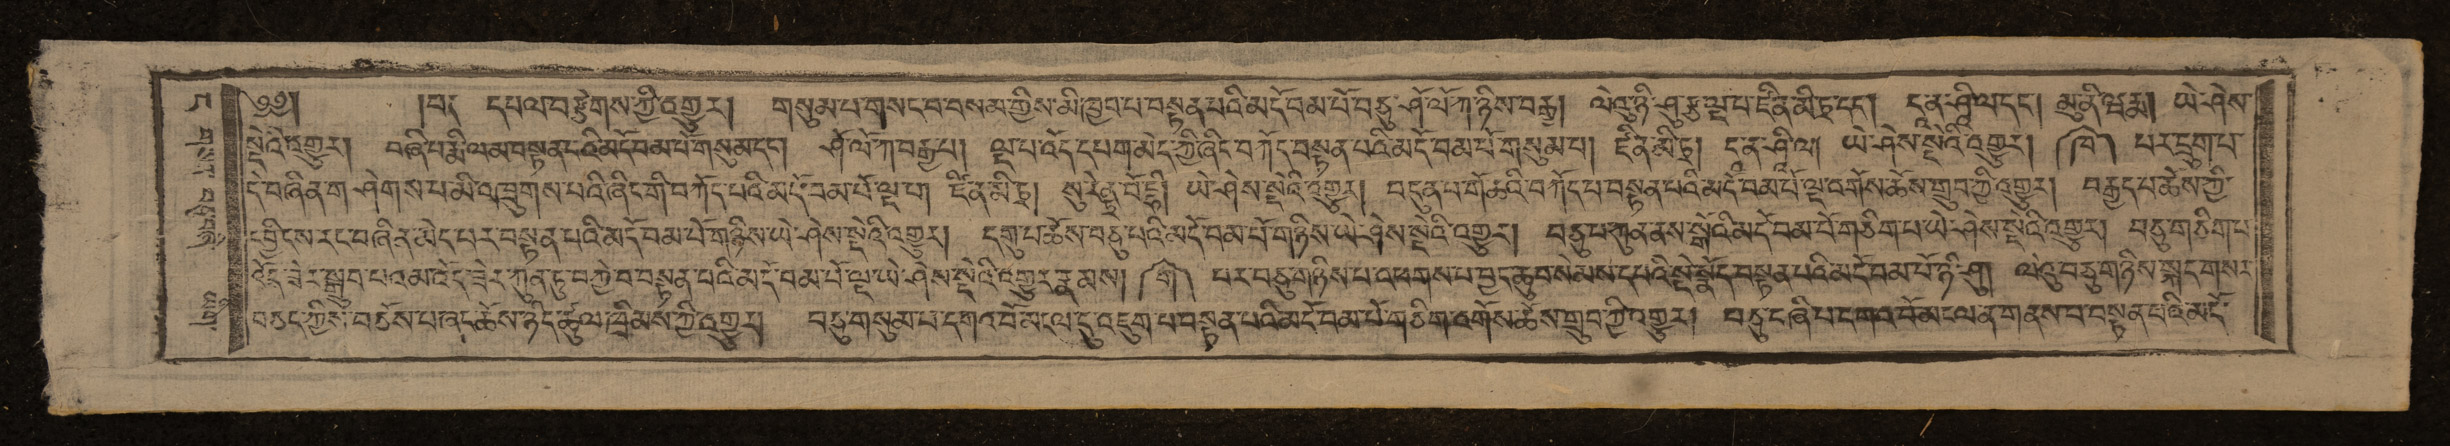༄༅། །པ༑ དཔལ་བརྩགས་ཀྱི་འགྱུར། གསུམ་པ་གསང་བ་བསམ་གྱིས་མི་ཁྱབ་པ་བསྟན་པའི་མདོ་བམ་བོ་བཅུ་ཤོ་ལོ་གཉིས་བརྒྱ། ལེའུ་ཉི་ཤུ་རྩ་ལྡ་བི་ཛན་མི་ཏྲ་དང་། དཱ་ན་ཤཱི་ལ་དང་། མུ་ནི་ཝ་རྣ། ཡེ་ཤེས་
སྡེའི་འགྱུར། བཞི་བ་རྨི་ལམ་བསྟན་པའི་མདོ་བམ་པོ་གསུམ་དང་། ཤོ་ལོ་ཀ་བརྒྱ་བ། ལྔ་བ་འོད་དཔག་མེད་ཀྱི་ཞིང་བཀོད་བསྟན་པའི་མདོ་བམ་པོ་གསུམ་པ། ཛིན་མི་ཏྲ། དཱ་ན་ཤའི་ལ། ཡེ་ཤེས་སྡེའི་འགྱུར། {ཁ}་བར་དྲུག་པ་
དེ་བཞིན་གཤེགས་པ་མི་འཁྲུགས་པའི་ཞིང་གི་བཀོད་པའི་མདོ་བམ་པོ་ལྔ་བ། ཛིན་མི་ཏྲ། སུ་རེ་ནྟྲ་བོ་དྷི། ཡེ་ཤེས་སྡེའི་འགྱུར། བདུན་པ་གོ་ཆའི་བཀོད་པ་བསྟན་པའི་མདོ་བམ་པོ་ལྔ་འགོས་ཆོས་གྲུབ་ཀྱི་འགྱུར། བརྒྱད་པ་ཆོས་ཀྱི་
དབྱིངས་རང་བཞིན་མེད་པར་བསྟན་པའི་མདོ་བམ་པོ་གཉིས་ཡེ་ཤེས་སྡེའི་འགྱུར། དགུ་བ་ཆོས་བཅུ་བའི་མདོ་བམ་པོ་གཉིས་ཡེ་ཤེས་སྡེའི་འགྱུར། བཅུ་བ་ཀུན་ནས་སྒོའི་མདོ་བམ་པོ་གཅིག་པ་ཡེ་ཤེས་སྔེའི་འགྱུར། བཅུ་གཅིག་པ་
འོད་ཟེར་སྒྲུབ་པའམ་འོད་ཟེར་ཀུན་ཏུ་བཀྱེ་བ་བསྟན་པའི་མདོ་བམ་པོ་ལྔ་ཡེ་ཤེས་སྡེའི་འགྱུར་ནམས། {ག}་བར་བཅུ་གཉིས་པ་འཕགས་བྱང་ཆུབ་སེམས་དཔའི་སྡེ་སྣོད་བསྟན་པའི་མདོ་བམ་པོ་ཉི་ཤུ། ལེའུ་བཅུ་གཉིས་སྐད་གསར་
བཅད་ཀྱིས་བཅོས་བཞང་ཆོས་ཉིད་ཚུལ་ཁྲིམས་ཀྱི་འགྱུར། བཅུ་གསུམ་པ་དགའ་བོ་མངལ་དུ་འཇུག་པ་བསྟན་པའི་མདོ་བམ་པོ་གཅིག་འགོས་ཆོས་གྲུབ་ཀྱི་འགྱུར། བཅུ་བཞི་བ་དགའ་བོ་མངལ་ན་གནས་པ་བསྟན་པའི་མདོ་